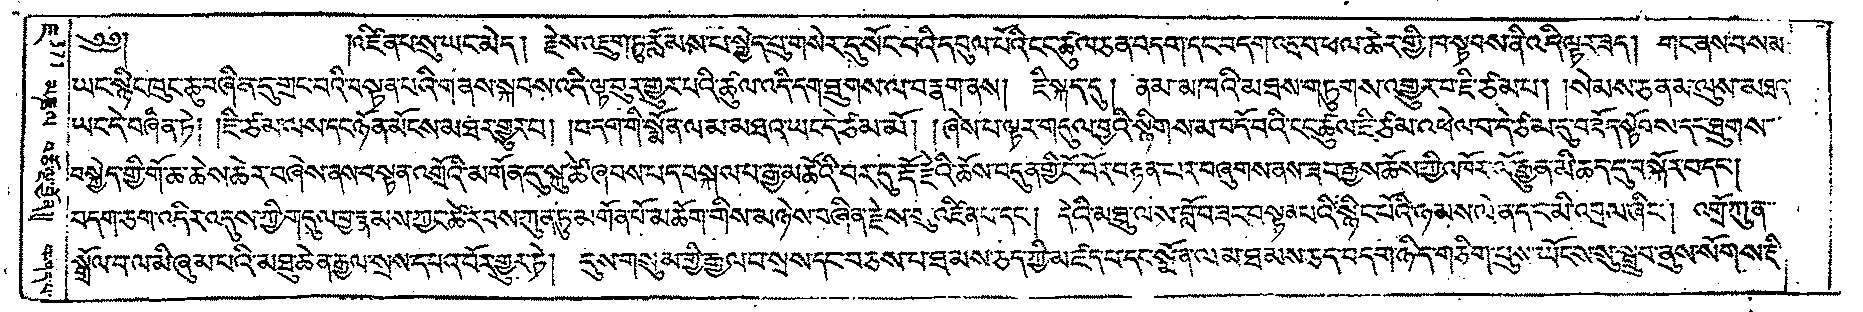༄༅། །འཛིན་པ་སུ་ཡང་མེད། རྗེས་འཇུག་ཏུ་རློམས་པ་སྒྱེད་པུ་གསེར་དུ་སོང་བའི་དབུལ་པོའི་ངང་ཚུལ་ཅན་བདག་དང་བདག་འདྲ་བ་ཕལ་ཆེར་གྱི་ཁ་སྟབས་ནི་འདི་ལྟར་ཟད། གང་ནས་བསམ་
ཡང་སྙིང་ཁུང་ཆུ་བཞིན་དུ་གྲང་བའི་བསྟན་པའི་གནས་སྐབས་འདི་ལྟ་བུར་གྱུར་པའི་ཚུལ་འདི་དག་ཐུགས་ལ་བརྣག་ནས། ཇི་སྐད་དུ། ནམ་མཁའི་མཐས་གཏུགས་འགྱུར་བ་ཇི་ཙམ་པ། །སེམས་ཅན་མ་ལུས་མཐའ་
ཡང་དེ་བཞིན་ཏེ། །ཇི་ཙམ་ལས་དང་ཉོན་མོངས་མཐར་གྱུར་པ། །བདག་གི་སྨོན་ལམ་མཐའ་ཡང་དེ་ཙམ་མོ། །ཞེས་པ་ལྟར་གདུལ་བྱའི་སྙིགས་མ་བདོ་བའི་ངང་ཚུལ་ཇི་ཙམ་འཕེལ་བ་དེ་ཙམ་དུ་བཟོད་སྟོབས་དང་ཐུགས་
བསྐྱེད་གྱི་གོ་ཆ་ཆེས་ཆེར་བཞེས་ནས་བསྟན་འགྲོའི་མགོན་དུ་སྐུ་ཚེ་ཞབས་པད་བསྐལ་པ་རྒྱ་མཚོའི་བར་དུ་རྡོ་རྗེའི་ཆོས་བདུན་གྱི་ངོ་བོར་བརྟན་པར་བཞུགས་ནས་ཟབ་རྒྱས་ཆོས་ཀྱི་འཁོར་ལོ་རྒྱུན་མི་ཆད་དུ་བསྐོར་བ་དང་།
བདག་ཅག་འདིར་འདུས་ཀྱི་གདུལ་བྱ་རྣམས་ཀྱང་ཚེ་རབས་ཀུན་ཏུ་མགོན་པོ་མཆོག་གིས་མཉེས་བཞིན་རྗེས་སུ་འཛིན་པ་དང་། དེའི་མཐུ་ལས་བློ་བཟང་བསྟན་པའི་སྙིང་པོའི་ཉམས་ལེན་དང་མི་འབྲལ་ཞིང་། འགྲོ་ཀུན་
སྒྲོལ་བ་ལ་མི་ཞུམ་པའི་མཐུ་ཆེན་རྒྱལ་སྲས་དཔའ་བོར་གྱུར་ཏེ། དུས་གསུམ་གྱི་རྒྱལ་བ་སྲས་དང་བཅས་པ་ཐམས་ཅད་ཀྱི་མཛད་པ་དང་སྨོན་ལམ་ཐམས་ཅད་བདག་ཉིད་གཅིག་པུས་ཡོངས་སུ་སྒྲུབ་ནུས་སོགས་ཇི་